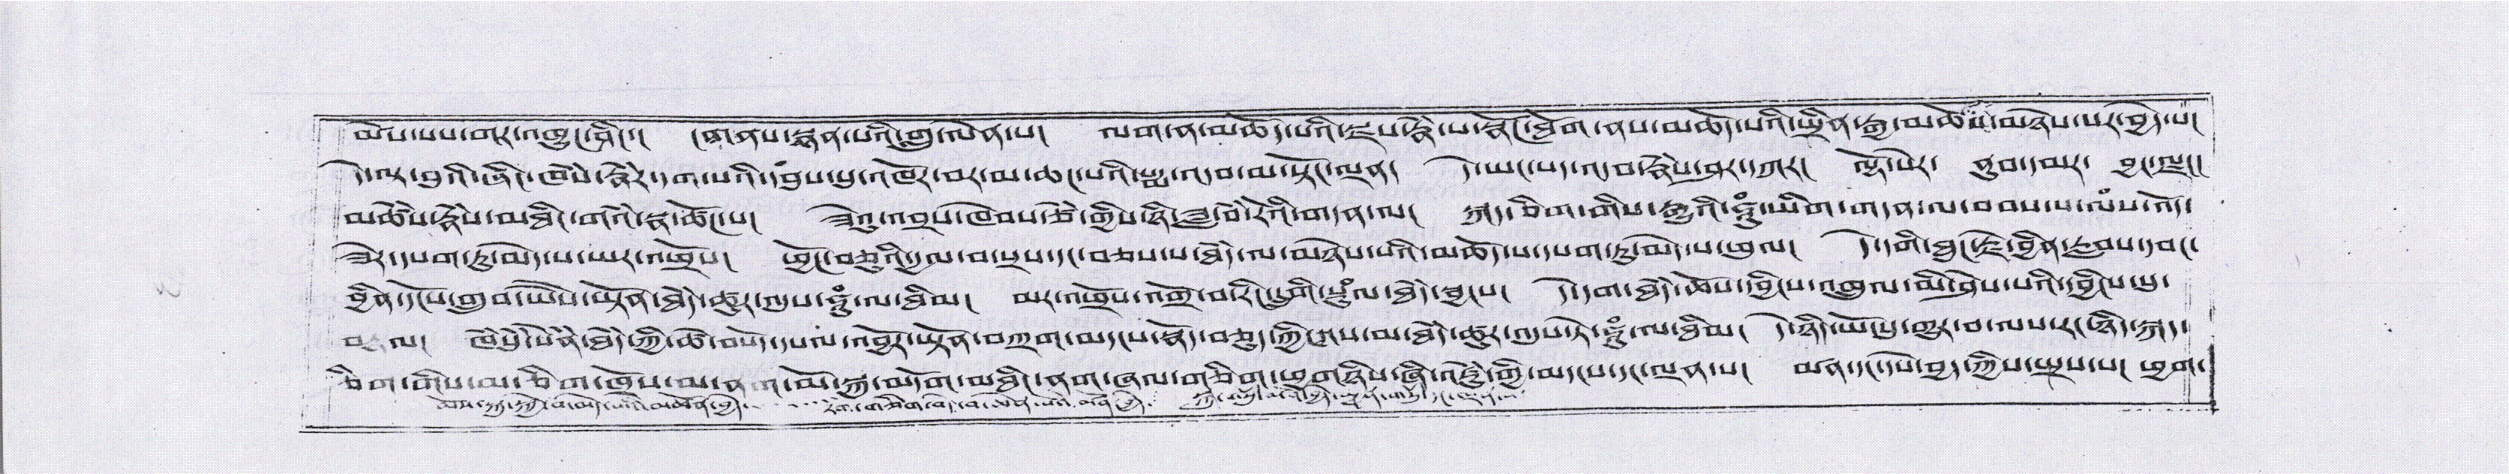མཛེས་པས་གར་འཁྱུགས་ཤིང། ངག་ནས་སྙན་པའི་གླུ་ལེན་པ། ལག་ན་མཆོད་པའི་རྫས་རྣམ་པ་སྣ་ཚོགས་ཐོག་ནས་མཆོད་པའི་སྤྲིན་རྒྱ་མཚོས་མཉེས་པར་བྱེད་པ། 
དེ་ལྟ་བུའི་ཞིང་ཁམས་རྣམ་པར་དག་པའི་དབུས་སུ་འཁོར་བར་མ་ཆགས་པའི་པདྨ་འདབ་མ་སྟོང་ལྡན། དེ་ཡང་པད་འདབ་རྣམས་ཤར་དཀར། ལྷོ་སེར། ནུབ་དམར། བྱང་ལྗང། 
མཚམས་རྣམས་མཐིང་ག་འམ་སྣ་ཚོགས་པ། ཟེའུ་འབྲས་ཁེབས་ཙམ་གྱིས་ཉི་ཟླ་བམ་རོའི་གདན་ལ། སྐད་ཅིག་གིས་རྒྱུའི་ཧཱུཾ་ཡིག་གདན་ལ་བབས་པ་ལས་འོད་
ཟེར་དཔག་ཏུ་མེད་པ་ཡར་འཕྲོས། ཕྱོགས་བཅུའི་རྒྱལ་བ་སྲས་དང་བཅས་པ་ཐམས་ཅད་ལ་མཉེས་པའི་མཆོད་པ་དཔག་ཏུ་མེད་པ་ཕུལ། དེ་དག་གི་ཐུགས་རྗེ་བྱིན་རླབས་དབང་
བྱིན་དངོས་གྲུབ་ཡེ་ཤེས་ཡོན་ཏན་ཐམས་ཅད་ཚུར་འདུས་ཧཱུཾ་ལ་ཐིམ། མར་འཕྲོས་འགྲོ་བ་རིགས་དྲུག་གི་སྡུག་བསྔལ་ཐམས་ཅད་སྦྱངས། དེ་དག་ཐམས་ཅད་ཆོས་དབྱིངས་འཁྲུལ་མི་ཤེས་པའི་དབྱིངས་སུ་
བདལ། ཁམས་གསུམ་སེམས་ཅན་ཐམས་ཅད་ཀྱི་ཚེ་བསོད་དཔལ་འབྱོར་ཡོན་ཏན་བཀྲག་མདངས་སྣོད་བཅུད་ཀྱི་དྭངས་མ་ཐམས་ཅད་ཚུར་འདུས་ཏེ་ཧཱུཾ་ལ་ཐིམ། དེ་ཉིད་ཡོངས་སུ་གྱུར་བ་ལས་རང་ཉིད་སྐད་
ཅིག་གིས་མ་ཅིག་ཁྲོས་མ་ནག་མོ་སྐུ་མདོག་མཐིང་ནག་ཞལ་གཅིག་ཕྱག་གཉིས་ཞི་འཛུམ་གྱི་མདངས་དང་ལྡན་པ། མཚན་དང་དཔེ་བྱད་ཀྱིས་སྤྲས་པ། ཕྱག་